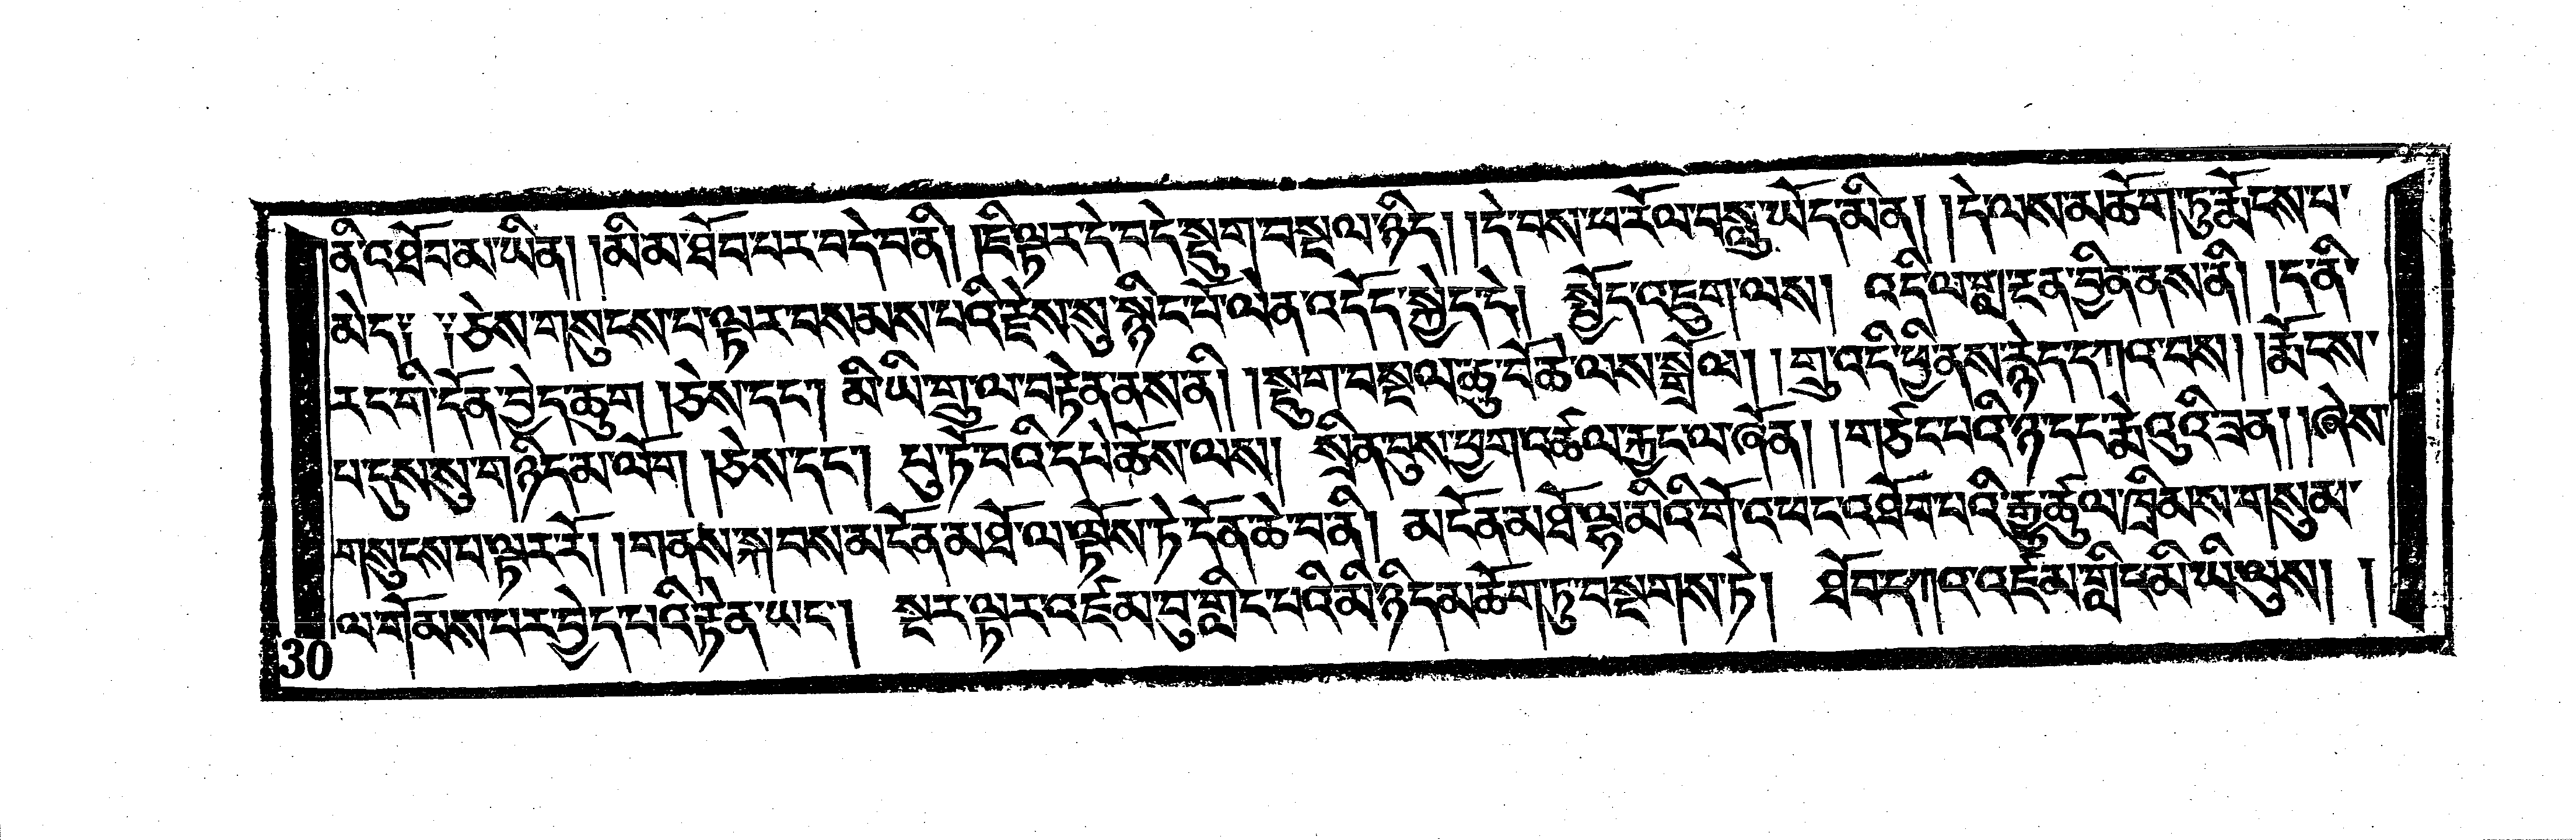ནི་འཐོབ་མ་ཡིན། །མི་མ་ཐོབ་པར་བདེ་བ་ནི། །ཇི་ལྟར་དེ་བདེ་སྡུག་བསྔལ་ཉིད། །དེ་བས་ཕ་རོལ་བསླུ་ཡོད་མིན། །དེ་ལས་མཆོག་ཏུ་རྨོངས་པ་
མེད༑ ༑ཅེས་གསུངས་པ་ལྟར་བསམས་པའི་རྗེས་སུ་སྙིང་པོ་ལེན་འདོད་སྐྱེད་དེ། སྤྱོད་འཇུག་ལས། འདི་ལ་གླ་རྔན་བྱིན་ནས་ནི། །ད་ནི་
རང་གི་དོན་བྱེད་ཆུག །ཅེས་དང་། མི་ཡི་གྲུ་ལ་བརྟེན་ནས་ནི། །སྡུག་བསྔལ་ཆུ་བོ་ཆེ་ལས་སྒྲོལ། །གྲུ་འདི་ཕྱི་ནས་རྙེད་དཀའ་བས། །རྨོངས་
པ་དུས་སུ་གཉིད་མ་ལོག །ཅེས་དང་། པུ་ཏོ་བའི་དཔེ་ཆོས་ལས། སྲིན་བུས་ཕྱག་འཚལ་རྐྱང་ལ་ཞོན། །གཙང་པའི་ཉ་དང་རྨེའུའི་ཟན། །ཞེས་
གསུངས་པ་ལྟར་རོ། །གནས་སྐབས་མངོན་མཐོ་ལ་ལྟོས་ཏེ་དོན་ཆེ་བ་ནི། མངོན་མཐོ་ལྷ་མིའི་གོ་འཕང་འཐོབ་པའི་རྒྱུ་ཚུལ་ཁྲིམས་གསུམ་
ལ་གོམས་པར་བྱེད་པའི་རྟེན་ཡང་། སྔར་ལྟར་འཛམ་བུ་གླིང་པའི་མི་ཉིད་མཆོག་ཏུ་བསྔགས་ཏེ། ཐོབ་དཀའ་འཛམ་གླིང་མི་ཡི་ལུས། །